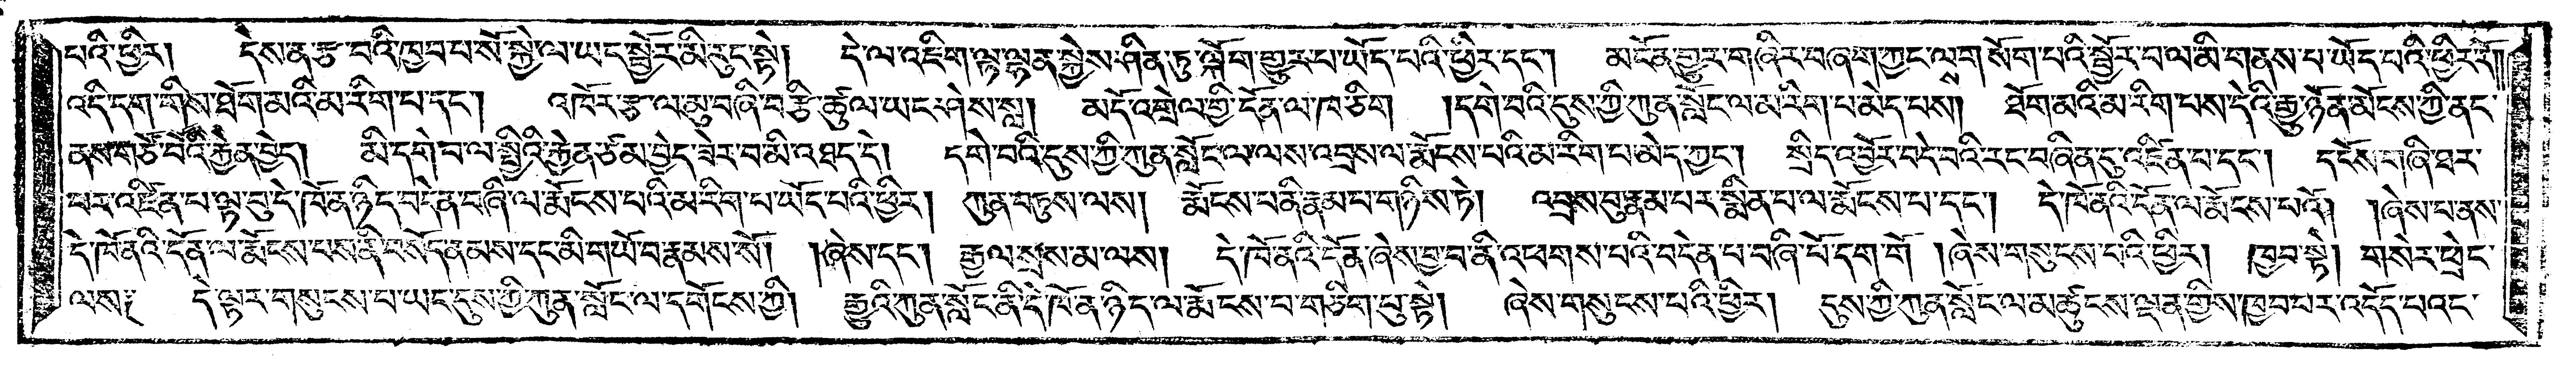པའི་ཕྱིར། དེས་ན་རྩ་བའི་ཁྱབ་པ་སོ་སྐྱེ་ལ་ཡང་སྦྱོར་མི་རུང་སྟེ། དེ་ལ་འཇིག་ལྟ་ལྷན་སྐྱེས་ཤིན་ཏུ་ལྐོག་གྱུར་པ་ཡོད་པའི་ཕྱིར་དང་། མངོན་གྱུར་གཞིར་བཞག་ཀྱང་ལས་གསོག་པའི་སྦྱོར་བ་ལ་མི་གནས་པ་ཡོད་པའི་ཕྱིར་རོ།།
འདི་དག་གིས་ཐོག་མའི་མ་རིག་པ་དང་། འཁོར་རྩ་ལ་མུ་བཞི་བརྩི་ཚུལ་ཡང་ཤེས་སླ། མདོ་འགྲེལ་གྱི་དོན་ལ་ཁ་ཅིག །དགེ་བའི་དུས་ཀྱི་ཀུན་སློང་ལམ་རིག་པ་མེད་པས། ཐོག་མའི་མ་རིག་པས་དེའི་རྒྱུ་ཉོན་མོངས་ཀྱི་ནང་
ནས་གཙོ་བོའི་རྐྱེན་བྱེད། མི་དགེ་བ་ལ་སྤྱིའི་རྐྱེན་ཙམ་བྱེད་ཟེར་བ་མི་འཐད་དེ། དགེ་བའི་དུས་ཀྱི་ཀུན་སློང་ལ་ལས་འབྲས་ལ་རྨོངས་པའི་མ་རིག་པ་མེད་ཀྱང་། སྲིད་འབྱོར་བདེ་བའི་རང་བཞིན་དུ་འཛིན་པ་དང་། དངོས་གཞི་ཐར་
པར་འཛིན་པ་ལྟ་བུ་དེ་ཁོ་ན་ཉིད་བདེན་བཞི་ལ་རྨོངས་པའི་མ་རིག་པ་ཡོད་པའི་ཕྱིར། ཀུན་བཏུས་ལས། རྨོངས་པ་ནི་རྣམ་པ་གཉིས་ཏེ། འབྲས་བུ་རྣམ་པར་སྨིན་པ་ལ་རྨོངས་པ་དང་། དེ་ཁོ་ནའི་དོན་ལ་རྨོངས་པའོ། །ཞེས་པ་ནས་
དེ་ཁོ་ནའི་དོན་ལ་རྨོངས་པས་ནི་བསོད་ནམས་དང་མི་གཡོ་བ་རྣམས་སོ། །ཞེས་དང་། རྒྱལ་སྲས་མ་ལས། དེ་ཁོ་ནའི་དོན་ཞེས་བྱ་བ་ནི་འཕགས་པའི་བདེན་པ་བཞི་པོ་དག་གོ །ཞེས་གསུངས་པའི་ཕྱིར། ཁྱབ་སྟེ། གསེར་ཕྲེང་
ལས༑ དེ་ལྟར་གསུངས་པ་ཡང་དུས་ཀྱི་ཀུན་སློང་ལ་དགོངས་ཀྱི། རྒྱུའི་ཀུན་སློང་ནི་དེ་ཁོ་ན་ཉིད་ལ་རྨོངས་པ་གཅིག་པུ་སྟེ། ཞེས་གསུངས་པའི་ཕྱིར། དུས་ཀྱི་ཀུན་སློང་ལ་མཚུངས་ལྡན་གྱིས་ཁྱབ་པར་འདོད་པའང་